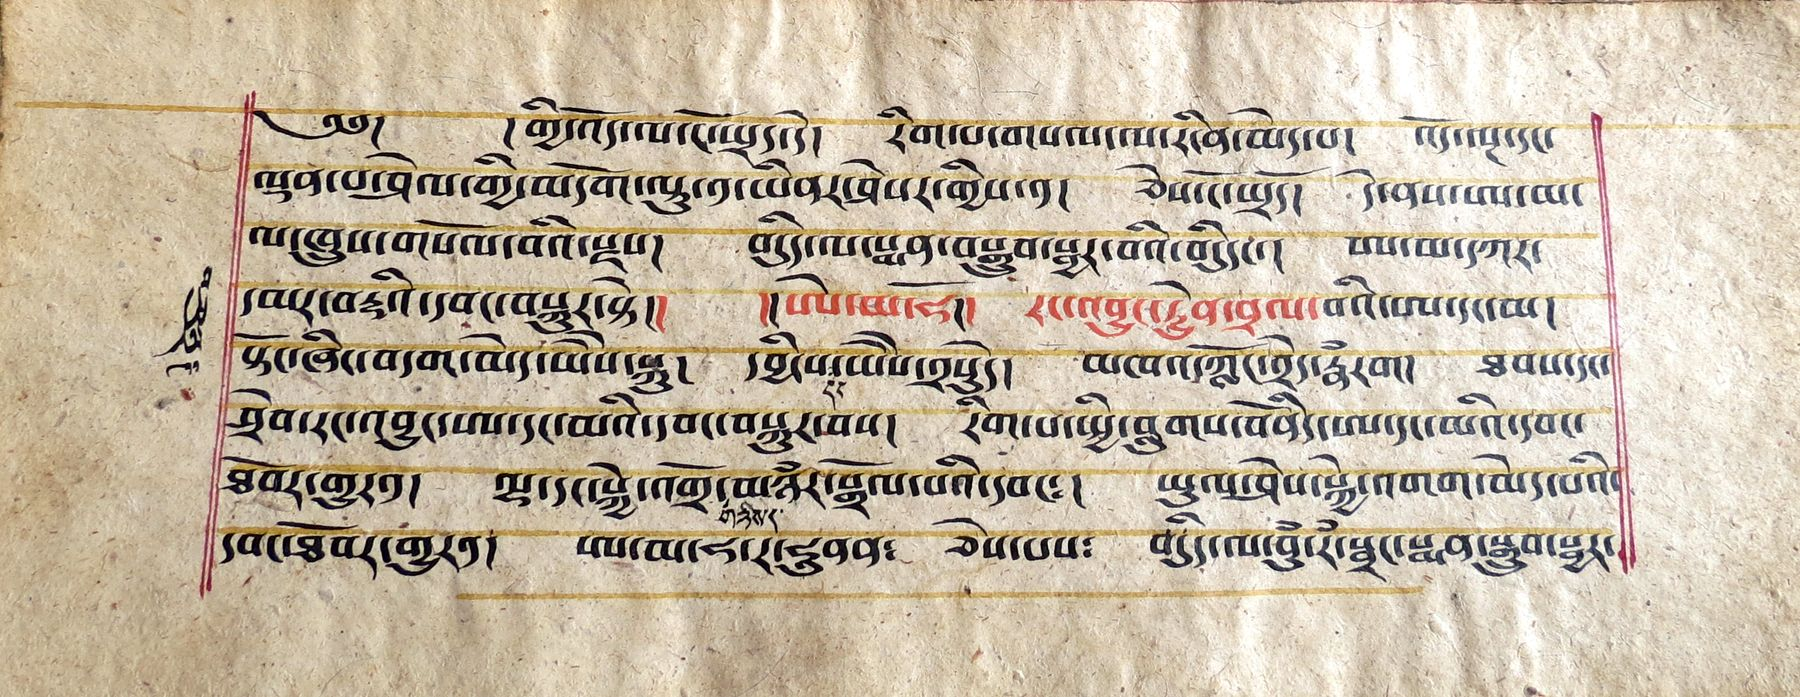གྱི་འོད་ལ་ངོ་སྤྲད་སྟེ། .རིག་པ་གསལ་ལ་རང་བཞིན་མེད་པ། འོད་ལྔའི་མདངས་དང་
ལྡན་པ། ཤེལ་གྱི་མདོག་ལྟ་བུ་ཞིག་ཡིན་པས་ངོ་ཤེས་པར་གྱིས་ཤིག། ། ཞེས་ངོ་སྤྲད་དོ། ། དེ་ནས་ཨ་མ་
ལ་ཁྲུས་གསོལ་བའི་རྫས། བདུད་རྩི་ལ་སྨན་སྒྲུབ་སྦྱར་བའི་བདུད་རྩི་དང་། ཨ་མ་དཀར་
དམར་གྱི་བརྡའི་དབང་བསྐུར་སྟེ། ཨེ་མ་ཧོ། རང་འབྱུང་རྒྱུ་རྐྱེན་བྲལ་བའི་ཨ་དང་མ། ། 
སྟོང་ཞིང་བདག་མེད་ཡེ་ཤེས་སྐུ། ། དབྱིངས་དང་ཡེ་ཤེས་གཉིས་སུ་མེད། ། མཁའ་ཀློང་གཉིས་མེད་རྣམ་པར་དག། ཐབས་དང་
ཤེས་རབ་རང་འབྱུང་ཨ་མའི་དབང་བསྐུར་བས། ། རིག་པ་སྤྱི་བླུགས་བོན་ཉིད་ཨ་དང་མའི་དབང་
ཐོབ་པར་གྱུར་ཅིག། ལྷ་དང་སྐྱེ་འགྲོ་གཉིས་མེད་སྦྱར་བའི་དབང་བསྐུར་བས། ཡུལ་ཡེ་ཤེས་སྐྱེ་འགགས་མེད་པའི་
དབང་ཐོབ་པར་གྱུར་ཅིག། ཨ་མ་ཧ་ར་ཧྲུན་ཧྲུན། ། ཞེས་བརྗོད་ལ་བདུད་རྩི་ལ་བུ་རམ་སྦྲང་སྨན་སྒྲུབ་སྦྱར་